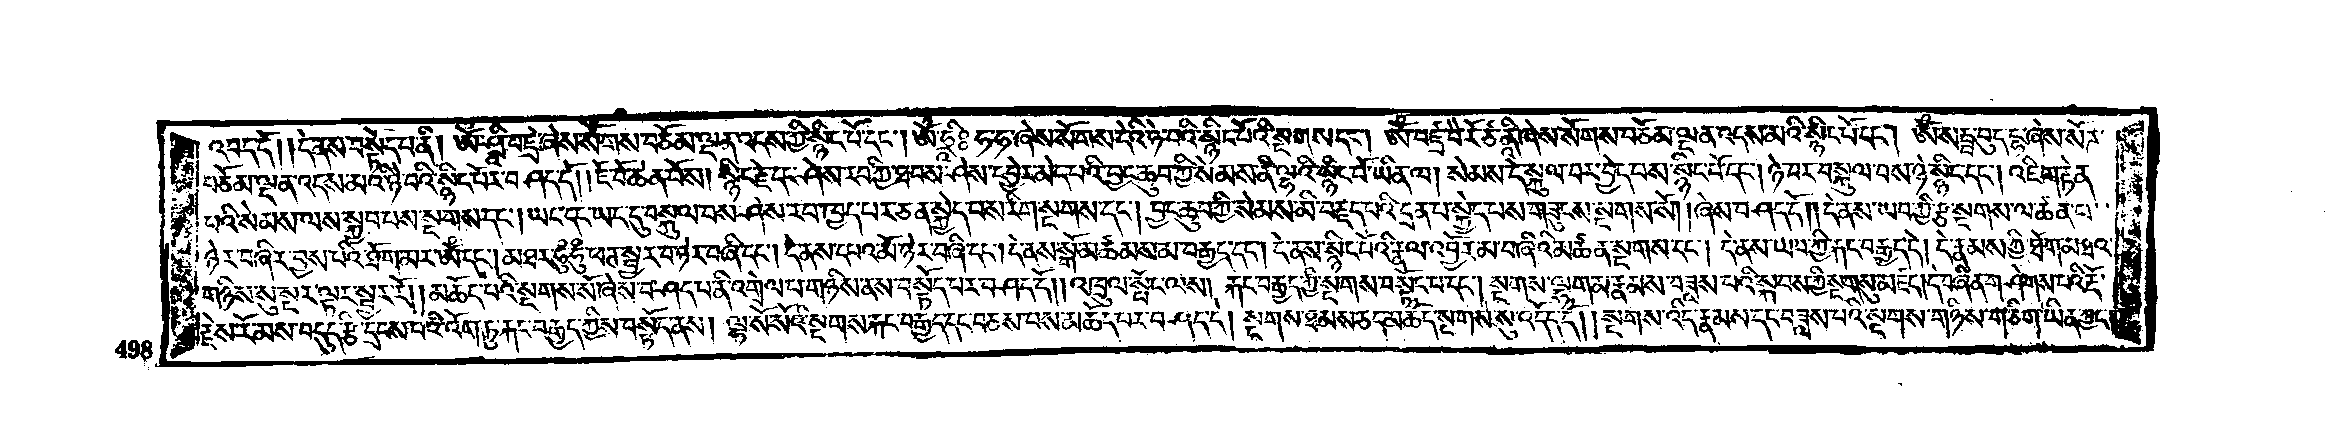འབད་དོ། །དེ་ནས་བསྟོད་པ་ནི། ཨོཾ་ཤྲཱི་བཛྲ་ཞེས་སོགས་བཅོམ་ལྡན་འདས་ཀྱི་སྙིང་པོ་དང་། ཨོཾ་ཧྲཱིཿ ཧ་ཧ་ཞེས་སོགས་དེའི་ཉེ་བའི་སྙིང་པའི་སྔགས་དང་། ཨོཾ་བཛྲ་བཻ་རོ་ཙ་ནཱི་ཞེས་སོགས་བཅོམ་ལྡན་འདས་མའི་སྙིང་པོ་དང་། ཨོཾ་སརྦྦ་བུད་དྷ་ཞེས་སོགས་
བཅོམ་ལྡན་འདས་མའི་ཉེ་བའི་སྙིང་པོར་བཤད་དོ། །ཇོ་བོ་ཆེན་པོས། སྙིང་རྗེ་དང་ཤེས་རབ་ཀྱི་ཐབས་ཤེས་དབྱེར་མེད་པའི་བྱང་ཆུབ་ཀྱི་སེམས་ནི་ལྷའི་སྙིང་པོ་ཡིན་ལ། སེམས་དེ་སྐུལ་བར་བྱེད་པས་སྙིང་པོ་དང་། ཉེ་བར་བསྐུལ་བས་ཉེ་སྙིང་དང་། འཇིག་རྟེན་
པའི་སེམས་ལས་སྐྱབ་པས་སྔགས་དང་། ཡང་དང་ཡང་དུ་བསྐུལ་བས་ཤེས་རབ་ཁྱད་པར་ཅན་སྐྱེད་པས་རིག་སྔགས་དང་། བྱང་ཆུབ་ཀྱི་སེམས་མི་བརྗོད་པའི་དྲན་པ་སྐྱེད་པས་གཟུངས་སྔགས་སོ། །ཞེས་བཤད་དོ། །དེ་ནས་ཡབ་ཀྱི་རྩ་སྔགས་ལ་ཚན་པ་
ཉེར་བཞིར་བྱས་པའི་ཐོག་མར་ཨོཾ་དང་། མཐར་ཧུཾ་ཧུཾ་ཕཊ་སྦྱར་བ་ཉེར་བཞི་དང་། དེ་ནས་དཔའ་མོ་ཉེར་བཞི་དང་། དེ་ནས་སྒོ་མཚམས་མ་བརྒྱད་དང་། དེ་ནས་སྙིང་པོའི་རྣལ་འབྱོར་མ་བཞིའི་མཚན་སྔགས་དང་། དེ་ནས་ཡབ་ཀྱི་རྐང་བརྒྱད་དེ། དེ་རྣམས་ཀྱི་ཐོག་མཐའ་
གཉིས་སུ་སྔར་ལྟར་སྦྱར་རོ། །མཆོད་པའི་སྔགས་སོ་ཞེས་བཤད་པ་ནི་འགྲེལ་པ་གཉིས་ནས་བསྟོད་པར་བཤད་དོ། །འཁྲུལ་སྤོང་ལས། རྐང་བརྒྱད་ཀྱི་སྔགས་བསྟོད་པ་དང་། སྔགས་ལྷག་མ་རྣམས་བཟླས་པའི་སྐབས་ཀྱི་སྔགས་སུ་བྫད། དེ་བཞིན་གཤེགས་པའི་རྡོ་
རྗེས་རོ་མས་བདུད་རྩི་དྲངས་པའི་འོག་ཏུ་རྐང་བརྒྱད་ཀྱིས་བསྟོད་ནས། ལྷ་སོ་སོའི་སྔགས་རྐང་བརྒྱད་དང་བཅས་པས་མཆོད་པར་བཤད་དེ། སྔགས་ཐམས་ཅད་མཆོད་སྔགས་སུ་འདོད་དོ། །སྔགས་འདི་རྣམས་དང་བཟླས་པའི་སྔགས་གཉིས་གཅིག་ཡིན་ཀྱང་།